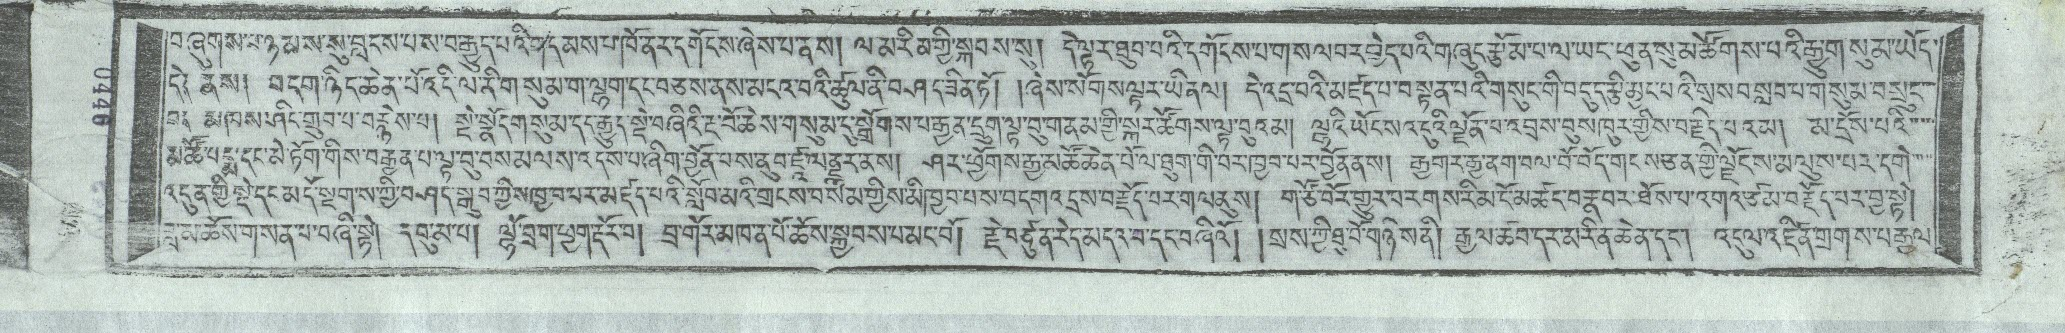བཞུགས་པ་ཉམས་སུ་བླངས་པས་བརྒྱུད་པའི་གདམས་པ་ཁོ་ནར་དགོངས་ཞེས་པ་ནས། ལམ་རིམ་གྱི་སྐབས་སུ། དེ་ལྟར་ཐུབ་པའི་དགོངས་པ་གསལ་བར་བྱེད་པའི་གཞུང་རྩོམ་པ་ལ་ཡང་ཕུན་སུམ་ཚོགས་པའི་རྒྱུ་གསུམ་ཡོད་
དེ༑ ནས། བདག་ཉིད་ཆེན་པོ་འདི་ལ་ནི་གསུམ་ག་ལྷག་དང་བཅས་ནས་མངའ་བའི་ཚུལ་ནི་བཤད་ཟིན་ཏོ། །ཞེས་སོགས་ལྟར་ཡིན་ལ། དེ་འདྲ་བའི་མཛད་པ་བསྟན་པའི་གསུང་གི་བདུད་རྩི་མྱང་པའི་སྲས་བསླབ་པ་གསུམ་བསྲུང་
བ༑ མཁས་ཤིང་གྲུབ་པ་བརྙེས་པ། སྡེ་སྣོད་གསུམ་དང་རྒྱུད་སྡེ་བཞིའི་རྔ་བོ་ཆེས་གསུམ་དུ་སྒྲོགས་པ་རྒྱན་དྲུག་ལྟ་བུ་གནམ་གྱི་སྐར་ཚོགས་ལྟ་བུའམ། ལྷའི་ཡོངས་འདུའི་ལྗོན་པ་འབྲས་བུས་ཁུར་གྱིས་བརྗིད་པའམ། མ་དྲོས་པའི་
མཚོ་པདམ་དང་མེ་ཏོག་གིས་བརྒྱན་པ་ལྟ་བུ་ངས་མ་ལས་འདས་པ་ཞིག་བྱོན་པས་ནུབ་ཛཱ་ལནྡཱར་ནས། ཤར་ཕྱོགས་རྒྱ་མཚོ་ཆེན་པོ་ལ་ཐུག་གི་བར་ཁྱབ་པར་བྱོན་ནས། རྒྱ་གར་རྒྱ་ནག་བལ་བོ་བོད་གངས་ཅན་གྱི་ལྗོངས་མ་ལུས་པར་དགེ་
འདུན་གྱི་སྡེ་དང་མདོ་སྔགས་གྱི་བཤད་སྒྲུབ་ཀྱིས་ཁྱབ་པར་མཛད་པའི་སློབ་མའི་གྲངས་བསམ་གྱིས་མི་ཁྱབ་པས་བདག་འདྲས་བརྗོད་པར་གསལ་ནུས། གཙོ་བོར་གྱུར་པ་རགས་རིམ་ངོ་མཚར་བ་རྣ་བར་ཐོས་པ་འགའ་ཙམ་བརྗོད་པར་བྱ་སྟེ།
བླ་མ་ཆོས་གསན་པ་བཞི་སྟེ། དབུམ་པ། ལྷོ་བྲག་ཕྱག་རྡོར་པ། བྲ་གོར་མཁན་པོ་ཆོས་སྐྱབས་པ་མང་བོ། རྗེ་བཙུན་རེད་མདའ་བ་དང་བཞིའོ། །སྲས་ཀྱི་ཐུ་བོ་གཉིས་ནི། རྒྱལ་ཚབ་དར་མ་རིན་ཆེན་དང་། འདུལ་འཛིན་གྲགས་པ་རྒྱལ་